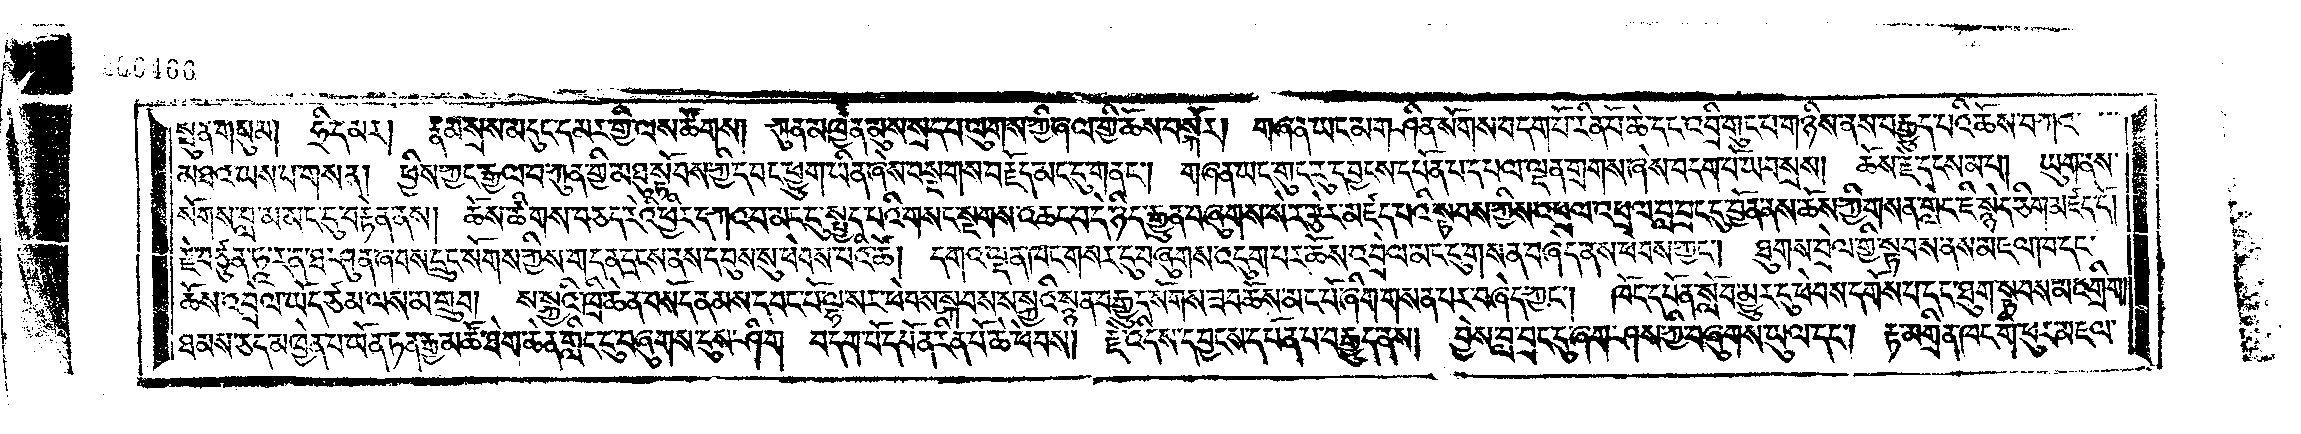སྤུན་གསུམ། ཧྲི་དམར། རྣམ་སྲས་མདུང་དམར་གྱི་ལས་ཚོགས། ཀུན་མཁྱེན་མུས་སྲད་པ་ལུགས་ཀྱི་ཞལ་གྱི་ཆོས་བསྐོར། གཞན་ཡང་མ་གཤིན་སོགས་བདག་པོ་རིན་པོ་ཆེ་དང་འབྲི་གུང་པ་གཉིས་ནས་བརྒྱུད་པའི་ཆོས་བཀའ་
མཐའ་ཡས་པ་གསན། ཕྱིས་ཀྱང་རྒྱལ་བ་ཀུན་གྱི་མཐུ་སྟོབས་ཀྱི་དབང་ཕྱུག་ཡིན་ཞེས་བསྔགས་བརྗོད་མང་དུ་གནང་། གཞན་ཡང་གུད་རུ་དབྱངས་དཔོན་པ་དཔལ་ལྡན་གྲགས་ཞེས་བདག་པོ་ཡབ་སྲས། ཆོས་རྗེ་དང་སམ་པ། ཡུག་ནས་
སོགས་བླ་མ་མང་དུ་བརྟེན་ནས། ཆོས་ཚིགས་བཅད་རེའི་ཕྱིར་དཀའ་བ་མང་དུ་སྤྱད་པའི་གསང་སྔགས་འཆད་བ་དེ་ཉིད་རྒྱུན་བཞུགས་སེར་རྩེར་མཛད་པའི་སྟབས་ཀྱིས་འཕྲལ་འཕྲལ་བླ་བྲང་དུ་བྱོན་ནས་ཆོས་ཀྱི་གསན་གླེང་ཇི་སྙེད་ཅིག་མཛད་དོ།
རྗེ་བཙུན་ཧཱ་ར་ན་ཐ་ཤུན་ཞབས་དྲུང་སོགས་ཀྱིས་གདན་དྲངས་ནས་དབུས་སུ་ཕེབས་པའི་ཚེ། དགའ་ལྡན་ཁང་གསར་དུ་བཞུགས་འདུག་པར་ཆོས་འབྲེལ་མང་དུ་གསན་བཞེད་ནས་ཕེབས་ཀྱང་། ཐུགས་བྲེལ་གྱི་སྟབས་ནས་མཇལ་ཁ་དང་
ཆོས་འབྲེལ་ཡོད་ཙམ་ལས་མ་གྲུབ། ས་སྐྱའི་ཁྲི་ཆེན་བསོད་ནམས་དབང་པོ་ལྷ་སར་ཕེབས་སྐབས་ས་སྐྱའི་སྙན་བརྒྱུད་སོགས་ཟབ་ཆོས་མང་པོ་ཞིག་གསན་བར་བཞེད་ཀྱང་། ཁོང་དཔོན་སློབ་མྱུར་དུ་ཕེབས་དགོས་པ་དང་ཐུག་སྟབས་མ་འགྲིག།
ཐམས་ཅད་མཁྱེན་པ་ཡོན་ཏན་རྒྱ་མཚོ་ཐེག་ཆེན་གླིང་དུ་བཞུགས་དུས་ཤིག་བདག་པོ་དཔོན་རིན་པོ་ཆེ་ཕེབས། རྗེ་འདིས་དབྱངས་དཔོན་པ་བརྒྱུད་ནས། བྱེས་བླ་བྲང་དུ་ཞག་ཤས་ཀྱི་བཞུགས་ཡུལ་དང་། རྟ་མགྲིན་ཁང་གི་ཕུར་མཇལ་